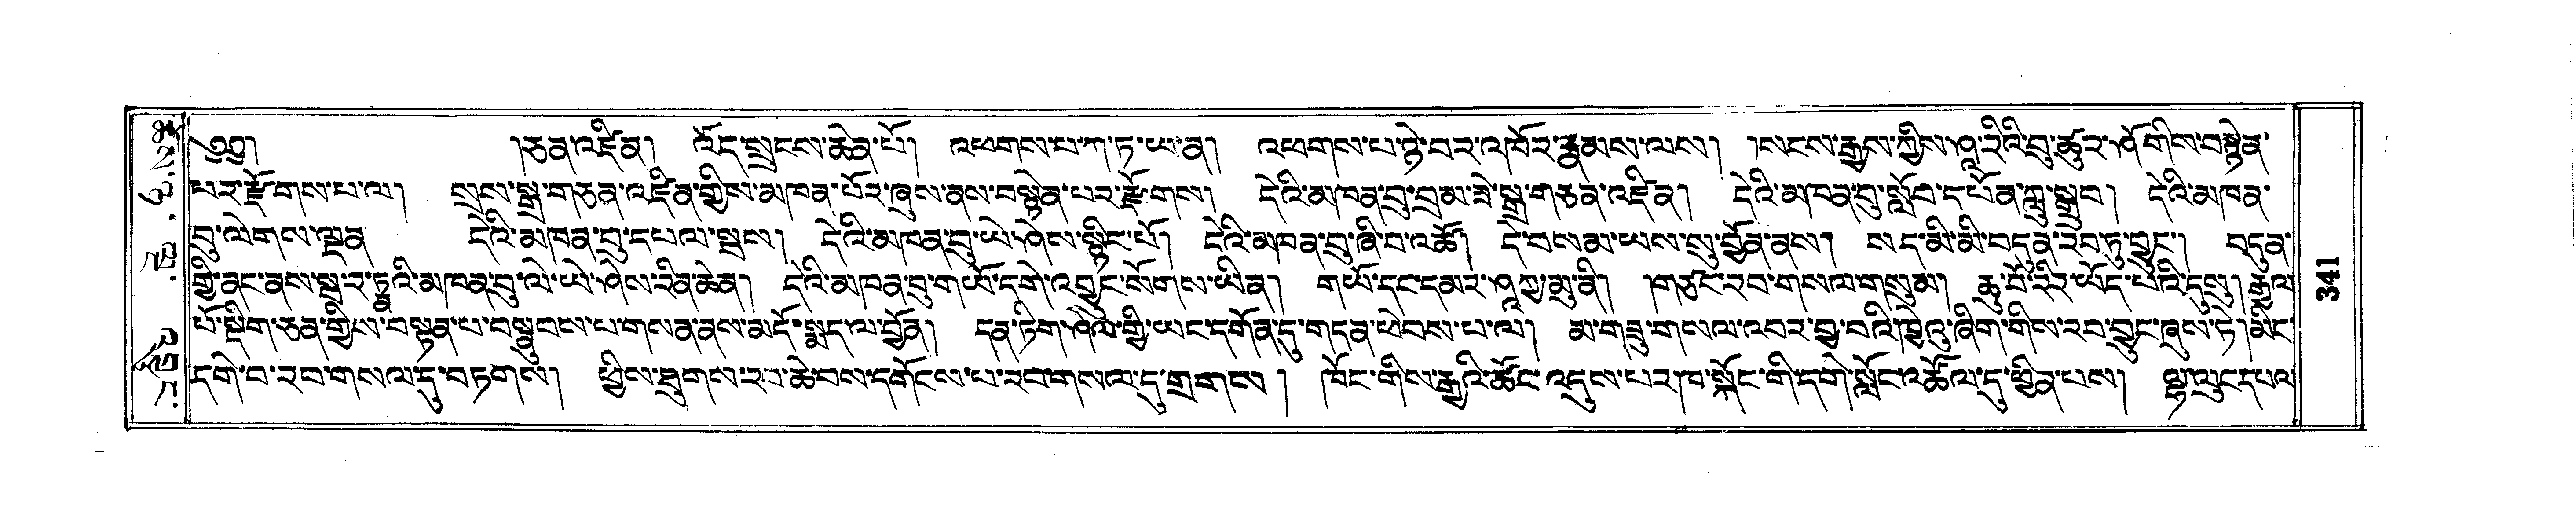༄༅། །ཅན་འཛིན། འོད་སྲུངས་ཆེན་པོ། འཕགས་པ་ཀ་ཏ་ཡ་ན། འཕགས་པ་ཉེ་བར་འཁོར་རྣམས་ལས། །སངས་རྒྱས་ཀྱིས་ཤཱ་རིའི་བུ་ཚུར་ཤོ་གིས་བསྙེན་
པར་རྫོགས་པ་ལ། སྲས་སྒྲ་གཅན་འཛིན་གྱིས་མཁན་པོར་ཞུས་ནས་བསྙེན་པར་རྫོགས། དེའི་མཁན་བུ་བྲམ་ཟེ་སྒྲ་གཅན་འཛིན། དེའི་མཁན་བུ་སློབ་དཔོན་ཀླུ་སྒྲུབ། དེའི་མཁན་
བུ་ལེགས་ལྡན་དེའི་མཁན་བུ་དཔལ་སྦས། དེའི་མཁན་བུ་ཡེ་ཤེས་སྙིང་པོ། ངེའི་མཁན་བུ་ཞི་བ་འཚོ། དེ་བསམ་ཡས་སུ་བྱོན་ནས། སད་མི་མི་བདུན་རབ་ཏུ་བྱུང་། བདུན་
གྱི་ནང་ནས་སྦ་ར་ཏྣའི་མཁན་བུ་ལེ་ཡེ་ཤེས་རིན་ཆེན། དེའི་མཁན་བུ་གཡོ་དགེ་འབྱུང་སོགས་ཡིན། གཡོ་དང་དམར་ཤཱཀྱ་མུ་ནི། །གཙང་རབ་གསལ་གསུམ། ཆུ་བོ་རིར་ཡོད་པའི་དུ་སུ། རྒྱལ་
པོ་སྡིག་ཅན་གྱིས་བསྟན་པ་བསྣུབས་པ་གསན་ནས་མདོ་སྨད་ལ་བྱོན། དན་ཏིག་ཤེལ་གྱི་ཡང་དགོན་དུ་གདན་ཕེབས་པ་ལ། མ་གཟུ་གསལ་འབར་བྱ་བའི་ཁྱེའུ་ཞིག་གིས་རབ་བྱུང་ཞུས་ཏེ། མིང་
དགེ་བ་རབ་གསལ་དུ་བཏགས། ཕྱིས་ཐུགས་རབ་ཆེ་བས་དགོངས་པ་རབ་གསལ་དུ་གྲགས། ཁོང་གིས་རྒྱའི་ཚོང་འདུས་པར་ཁ་སྐོང་གི་དགེ་སློང་འཚོལ་དུ་ཕྱིན་པས། ལྷ་ལུང་དཔའ་